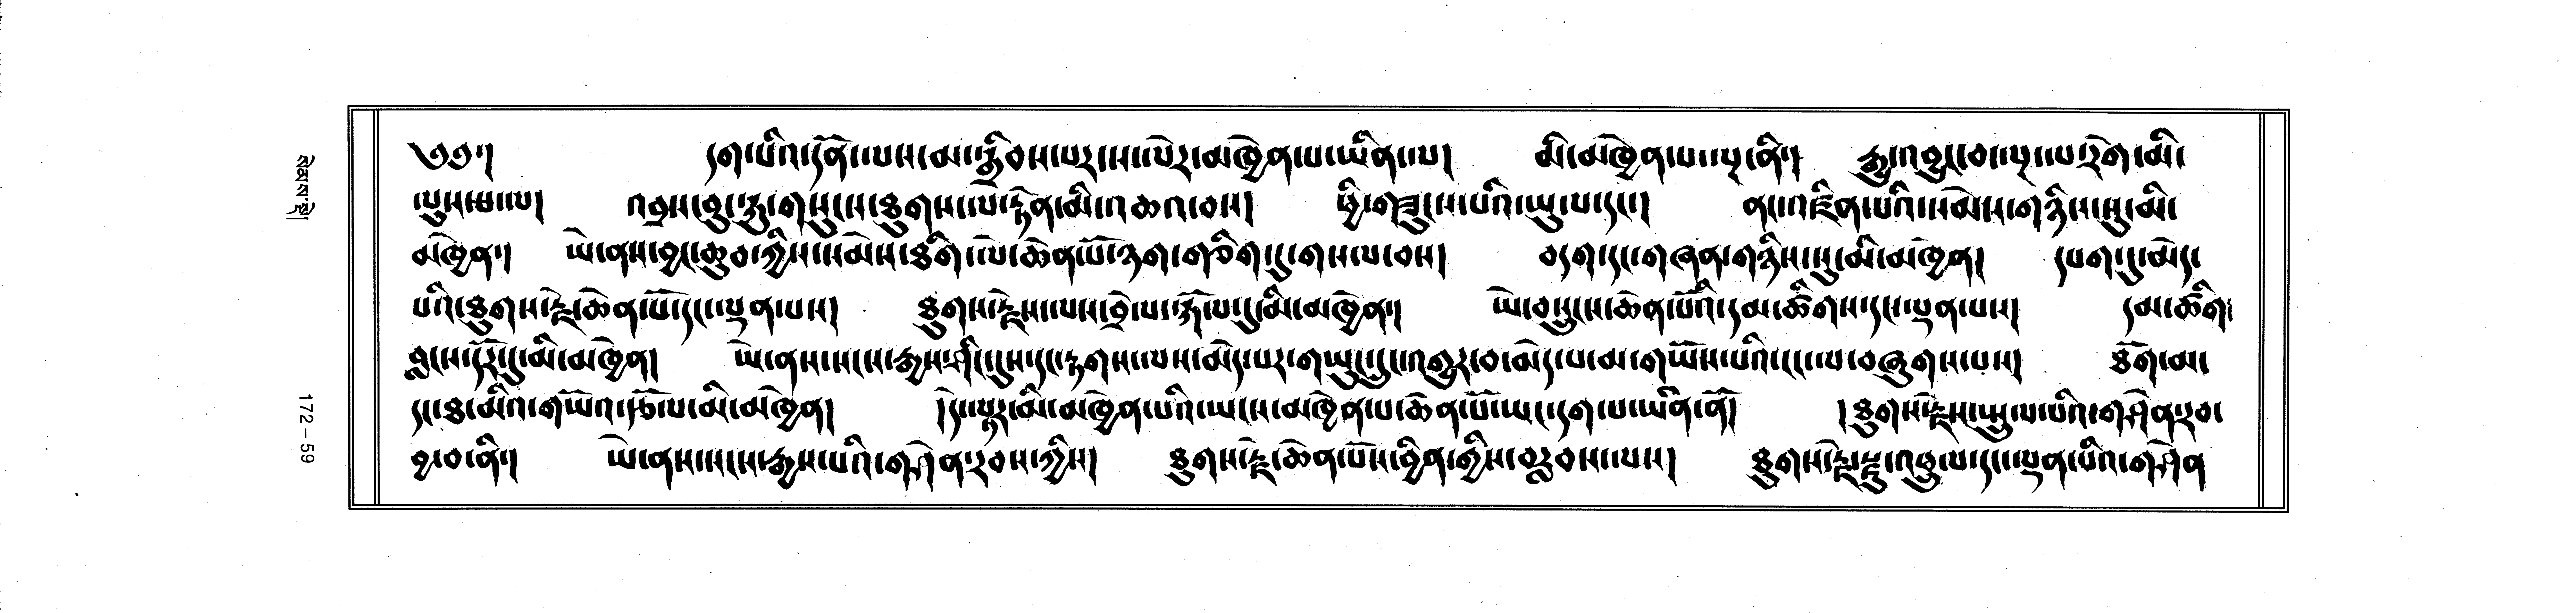མ་སྒྲིབས་པར་ས་ལེར་མཁྱེན་པ་ཡིན་ལ། མི་མཁྱེན་པ་ལྔ་ནི། རྒྱུ་འབྱུང་བ་ལྔ་ལ་རེག་མི་
ལུས་ལ། འབྲས་བུ་སྐུ་གསུང་ཐུགས་ལ་རྟེན་མི་འཆའ་བས། ཕྱི་གཟུངས་པའི་ཡུལ་དང་། ནང་འཛིན་པའི་སེམས་གཉིས་སུ་མི་
མཁྱེན། ཡེ་ནས་བྱང་ཆུབ་ཀྱིས་སེམས་ཐིག་ལེ་ཆེན་པོ་ཉག་གཅིག་དུ་གསལ་བས། བདག་དང་གཞན་གཉིས་སུ་མི་མཁྱེན། དཔག་དུ་མེད་
པའི་ཐུགས་རྗེ་ཆེན་པོ་དང་ལྡན་པས། ཐུགས་རྗེས་ལས་བྲེལ་སྐོལ་དུ་མི་མཁྱེན། ཡེ་བསྲུངས་ཆེན་པོའི་དམ་ཚིགས་དང་ལྡན་པས། དམ་ཚིག་
བླངས་དོར་དུ་མི་མཁྱེན། ཡེ་ནས་སངས་རྒྱས་ཤིང་དུས་དང་རྟགས་ལས་མེད་པར་གཡུང་དྲུང་འགྱུར་བ་མེད་པ་མ་གཡོས་པའི་ངང་ལ་བཞུགས་པས། ཐོག་མ་
དང་ཐ་མའི་གཡོའ་རྩོལ་མི་མཁྱེན། དེ་ལྟར་མི་མཁྱེན་པའི་ཡངས་མཁྱེན་པ་ཆེན་པོ་ཡང་དག་པ་ཡིན་ནོ། ཐུགས་རྗེ་སྤྲུལ་པའི་གཤེན་རབ་
བྱ་བ་ནི། ཡེ་ནས་སངས་རྒྱས་པའི་གཤེན་རབ་ཀྱིས། ཐུགས་རྗེ་ཆེན་པོས་བྱིན་གྱིས་བརླབས་ལས། ཐུགས་རྗེ་རྫུ་འཕྲུལ་དང་ལྡན་པའི་གཤེན་